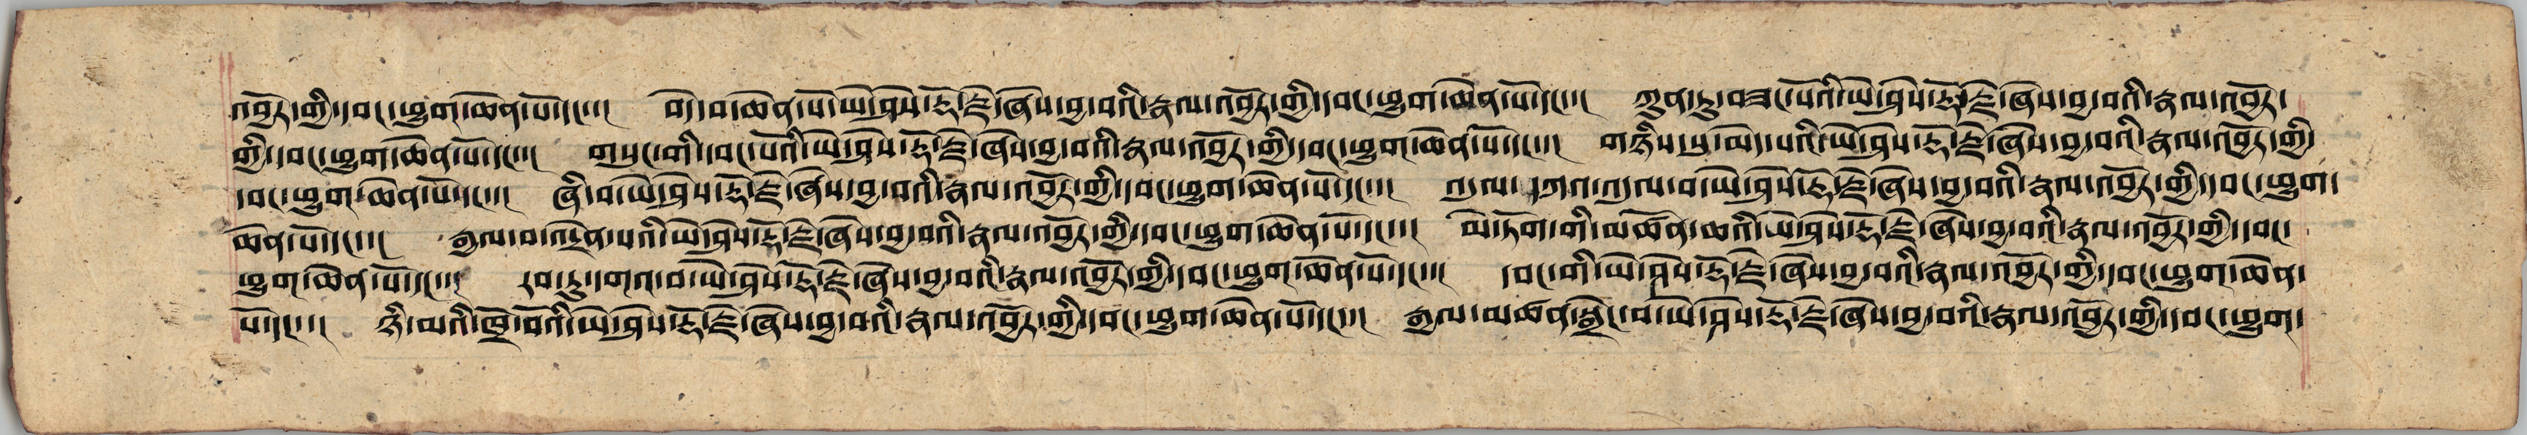འབྱོར་གྱི་དབང་ཕྱུག་ཆེན་པོ་དང་་། བདེ་བ་ཆེན་པོ་ཡེ་ཤེས་རྡོ་རྗེ་ཞེས་བྱ་བའི་རྣལ་འབྱོར་གྱི་དབང་ཕྱུག་ཆེན་པོ་དང་་། ཀུན་ཏུ་བཟང་པོའི་ཡེ་ཤེས་རྡོ་རྗེ་ཞེས་བྱ་བའི་རྣལ་འབྱོར་
གྱི་དབང་ཕྱུག་ཆེན་པོ་དང་་། གསུང་གི་དབང་པོའི་ཡེ་ཤེས་རྡོ་རྗེ་ཞེས་བྱ་བའི་རྣལ་འབྱོར་གྱི་དབང་ཕྱུག་ཆེན་པོ་དང་་། གཉིས་སུ་མེད་པའི་ཡེ་ཤེས་རྡོ་རྗེ་ཞེས་བྱ་བའི་རྣལ་འབྱོར་གྱི་
དབང་ཕྱུག་ཆེན་པོ་དང་་། ཞི་བ་ཡེ་ཤེས་རྡོ་རྗེ་ཞེས་བྱ་བའི་རྣལ་འབྱོར་གྱི་དབང་ཕྱུག་ཆེན་པོ་དང་་། འདུལ་དཀའ་འདུལ་བ་ཡེ་ཤེས་རྡོ་རྗེ་ཞེས་བྱ་བའི་རྣལ་འབྱོར་གྱི་དབང་ཕྱུག་
ཆེན་པོ་དང་་། རྒྱལ་བ་འདྲེན་པའི་ཡེ་ཤེས་རྡོ་རྗེ་ཞེས་བྱ་བའི་རྣལ་འབྱོར་གྱི་དབང་ཕྱུག་ཆེན་པོ་དང་་། མེ་ཏོག་གི་མཚོན་ཆའི་ཡེ་ཤེས་རྡོ་རྗེ་ཞེས་བྱ་བའི་རྣལ་འབྱོར་གྱི་དབང་
ཕྱུག་ཆེན་པོ་དང་་། རབ་ཏུ་དགའ་བ་ཡེ་ཤེས་རྡོ་རྗེ་ཞེས་བྱ་བའི་རྣལ་འབྱོར་གྱི་དབང་ཕྱུག་ཆེན་པོ་དང་་། དབང་གི་ཡེ་ཤེས་རྡོ་རྗེ་ཞེས་བྱ་བའི་རྣལ་འབྱོར་གྱི་དབང་ཕྱུག་ཆེན་
པོ་དང་་། ཉི་མའི་ཁྲོ་བོའི་ཡེ་ཤེས་རྡོ་རྗེ་ཞེས་བྱ་བའི་རྣལ་འབྱོར་གྱི་དབང་ཕྱུག་ཆེན་པོ་དང་་། རྒྱལ་མཚན་སྒྲེང་བ་ཡེ་ཤེས་རྡོ་རྗེ་ཞེས་བྱ་བའི་རྣལ་འབྱོར་གྱི་དབང་ཕྱུག་